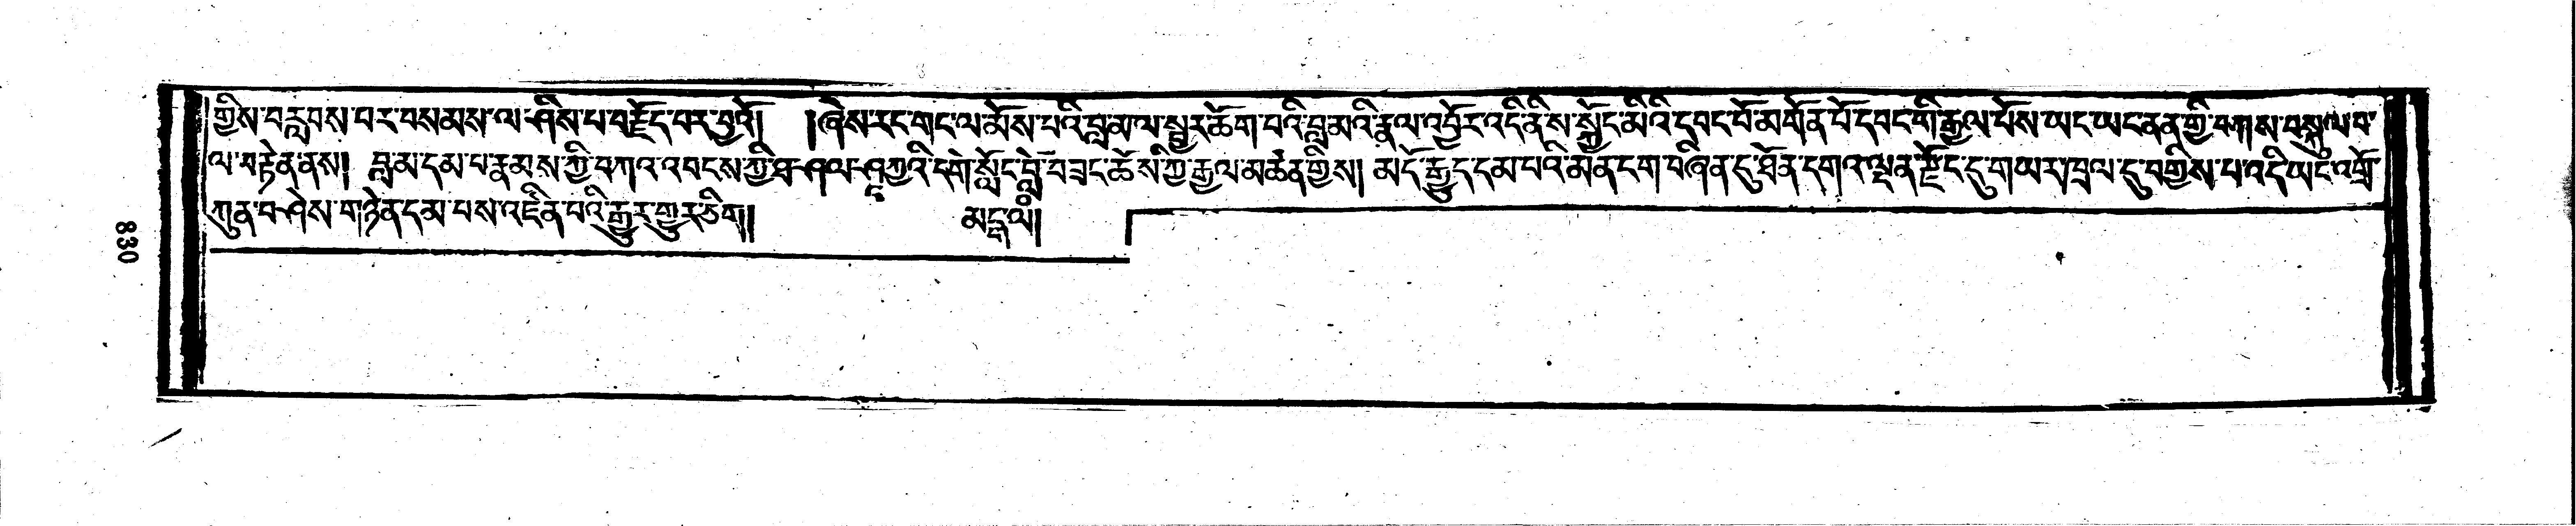གྱིས་བརླབས་པར་བསམས་ལ་ཤིས་པ་བརྗོད་པར་བྱའོ། །ཞེས་རང་གང་ལ་མོས་པའི་བླ་མ་ལ་སྦྱར་ཆོག་པའི་བླ་མའི་རྣལ་འབྱོར་འདི་ནི་ས་སྐྱོང་མིའི་དབང་པོ་མགོན་པོ་དབང་གི་རྒྱལ་པོས་ཡང་ཡང་ནན་གྱི་བཀས་བསྐུལ་བ་
ལ་བརྟེན་ནས། བླ་མ་དམ་པ་རྣམས་ཀྱི་བཀའ་འབངས་ཀྱི་ཐ་ཤལ་ཤཱཀྱའི་དགེ་སློང་བློ་བཟང་ཆོས་ཀྱི་རྒྱལ་མཚན་གྱིས། །མདོ་རྒྱུད་དམ་པའི་མན་ངག་བཞིན་དུ་ཐོན་དགའ་ལྡན་རྫོང་དུ་གཡར་ཁྲལ་དུ་བགྱིས་པ་འདི་ཡང་འགྲོ་
ཀུན་བཤེས་གཉེན་དམ་པས་འཛིན་པའི་རྒྱུར་གྱུར་ཅིག །མངྒ་ལཾ།